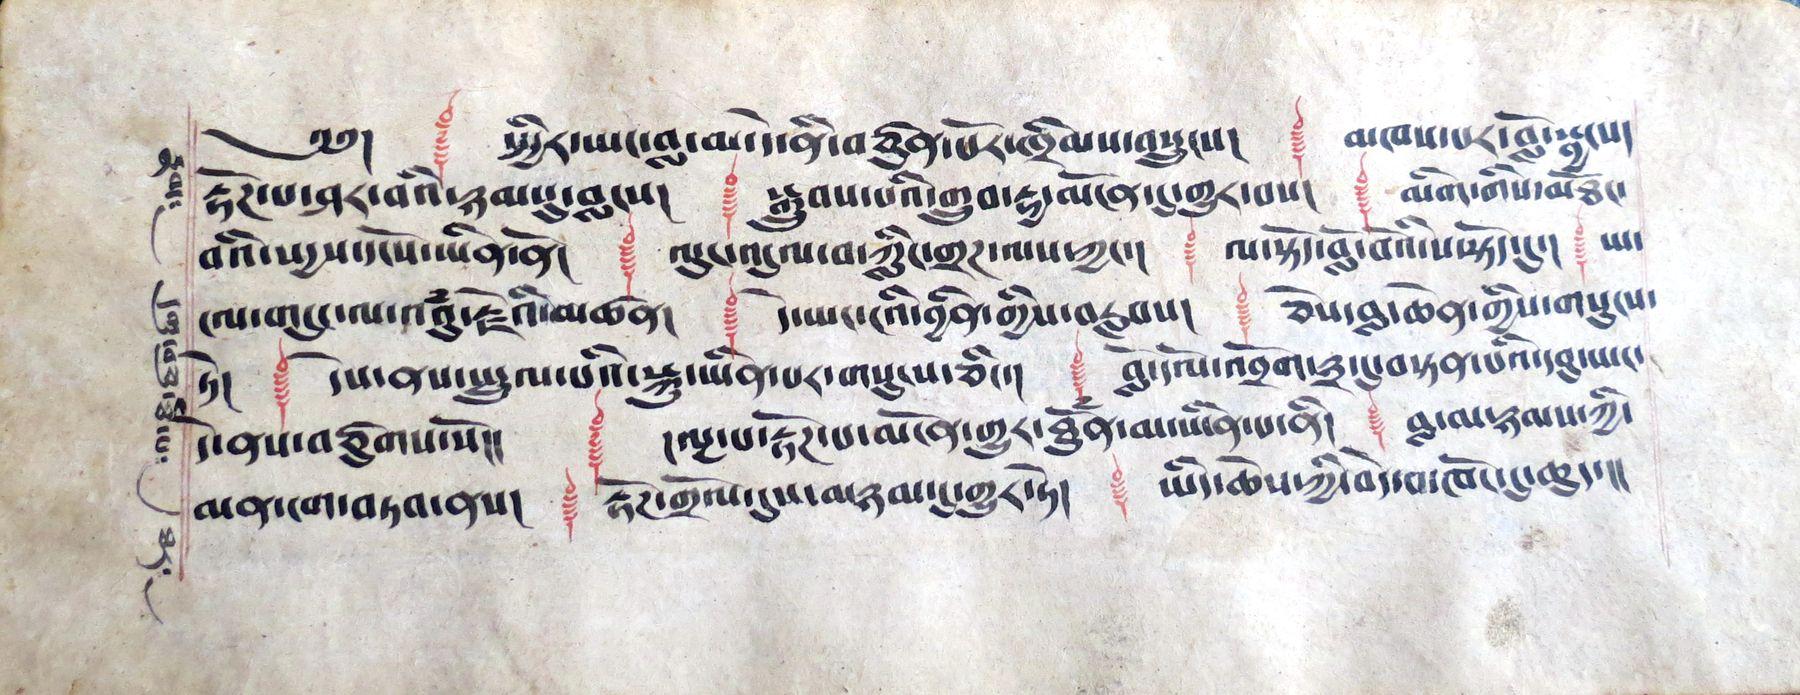སྤྱིར་ཡང་བླ་མ་དེ་ནི་བཙུན་པོར་ཁྲིམས་སྲུང་། མཁས་པར་བློ་སྦྱངས། 
རྟོགས་པ་ཤར་བར་ཉམས་སུ་བླངས། བསྒྲུབ་པའི་གྲུབ་རྟགས་མངོན་དུ་གྱུར་པས། མིག་གིས་མཐོང་
པའི་སངས་རྒྱས་དངོས་ཡིན་ནོ། ། ལུང་འདུལ་བ་གླིང་གྲགས་ལས་ཀྱང་། ལ་སྟོད་གློ་བོའི་ས་སྟོད་དུ། ཡ་
ངལ་གདུང་ལ་འབུམ་རྗེའི་མཚན། དེ་ཡང་ངའི་བྱིན་གྱིས་བརླབས། ། ཞེས་བླ་ཆེན་གྱིས་གསུངས་
ཏེ། དེས་ན་སྤྲུལ་པའི་སྐུ་ཡིན་པར་གསུངས་ཤིང་། གློ་དོལ་འབྲོག་གསུམ་དུ་བསྟན་པའི་དབུ་ཡང་
དེ་ནས་བཙུགས་སོ། ། ལྔ་པ་རྟོགས་༷་མངོན་གྱུར་ཐུན་མ་ཡིན་པ་ནི། བླ་མས་ཉམས་ཀྱི་
མན་ངག་བཏབ་ནས། རྟོགས་གྲོལ་དུས་མཉམ་དུ་གྱུར་ཏེ། ཡིད་ཆེས་ཀྱི་བདེ་བ་ཁོང་དུ་ཆུད།